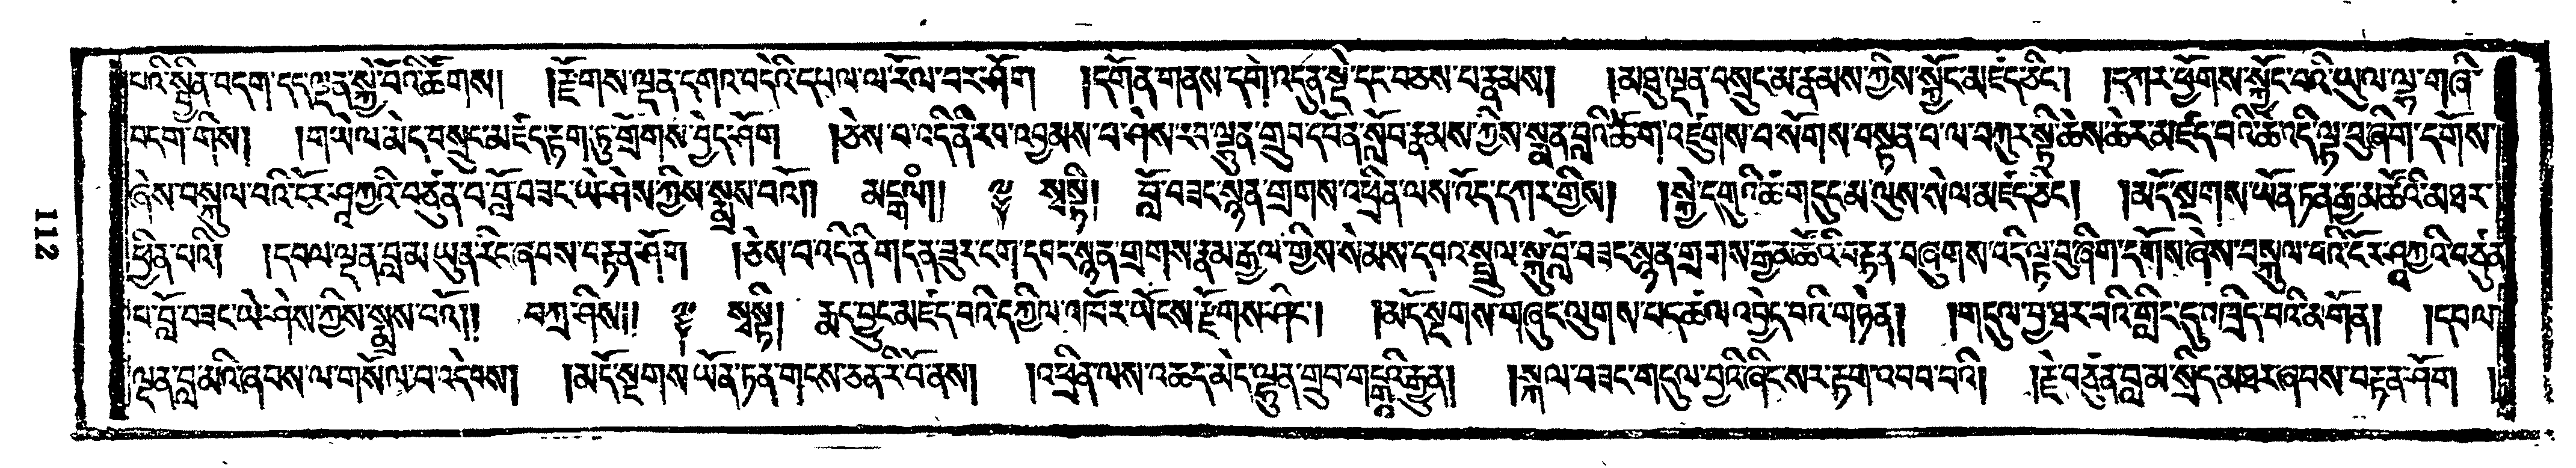པའི་སྦྱིན་བདག་དད་ལྡན་སྐྱེ་བོའི་ཚོགས། །རྫོགས་ལྡན་དགའ་བདེའི་དཔལ་ལ་རོལ་བར་ཤོག །དགོན་གནས་དགེ་འདུན་སྡེ་དང་བཅས་པ་རྣམས། །མཐུ་ལྡན་བསྲུང་མ་རྣམས་ཀྱིས་སྐྱོང་མཛད་ཅིང་། །དཀར་ཕྱོགས་སྐྱོང་བའི་ཡུལ་ལྷ་གཞི་
བདག་གིས། །གཡེལ་མེད་བསྲུང་མཛད་རྟག་ཏུ་གྲོགས་བྱེད་ཤོག །ཅེས་བ་འདི་ནི་རབ་འབྱམས་པ་ཤེས་རབ་ལྷུན་གྲུབ་དཔོན་སློབ་རྣམས་ཀྱིས་སྨན་བླའི་ཆོ་ག་འཛུགས་པ་སོགས་བསྟན་བ་ལ་བཀུར་སྟི་ཆེས་ཆེར་མཛད་བའི་ཆེ་འདི་ལྟ་བུ་ཞིག་དགོས་
ཞེས་བསྐུལ་བའི་ངོར་ཤཱཀྱའི་བཙུན་བ་བློ་བཟང་ཡེ་ཤེས་ཀྱིས་སྨྲས་བའོ།། མངྒལཾ།། ༈ སྭསྟི། བློ་བཟང་སྙན་གྲགས་འཕྲིན་ལས་འོད་དཀར་གྱིས། །སྐྱེ་དགུའི་ཚ་གདུང་མ་ལུས་སེལ་མཛད་ཅིང་། །མདོ་སྔགས་ཡོན་ཏན་རྒྱ་མཚོའི་མཐར་
ཕྱིན་པའི། །དཔལ་ལྡན་བླ་མ་ཡུན་རིང་ཞབས་བརྟན་ཤོག །ཅེས་བ་འདི་ནི་གདན་ཟུར་ངག་དབང་སྙན་གྲགས་རྣམ་རྒྱལ་གྱིས་སེམས་དཔའ་སྤྲུལ་སྐུ་བློ་བཟང་སྙན་གྲགས་རྒྱ་མཚོའི་བརྟན་བཞུགས་འདི་ལྟ་བུ་ཞིག་དགོས་ཞེས་བསྐུལ་བའི་ངོར་ཤཱཀྱའི་བཙུན་
པ་བློ་བཟང་ཡེ་ཤེས་ཀྱིས་སྨྲས་བའོ།། བཀྲ་ཤིས།། ༈ སྭསྟི། རྨད་བྱུང་མཛད་བའི་དཀྱིལ་འཁོར་ཡོངས་རྫོགས་ཤིང་། །མདོ་སྔགས་གཞུང་ལུགས་པད་ཚལ་འབྱེད་བའི་གཉེན། །གདུལ་བྱ་ཐར་བའི་གླིང་དུ་འཁྲིད་བའི་མགོན། །དཔལ་
ལྡན་བླ་མའི་ཞབས་ལ་གསོལ་བ་འདེབས། །མདོ་སྔགས་ཡོན་ཏན་གངས་ཅན་རི་བོ་ནས། །འཕྲིན་ལས་འཆད་མེད་ལྷུན་གྲུབ་གངྒའི་རྒྱུན། །སྐལ་བཟང་གདུལ་བྱའི་ཞིང་སར་རྟག་འབབ་པའི། །རྗེ་བཙུན་བླ་མ་སྲིད་མཐར་ཞབས་བརྟན་ཤོག །